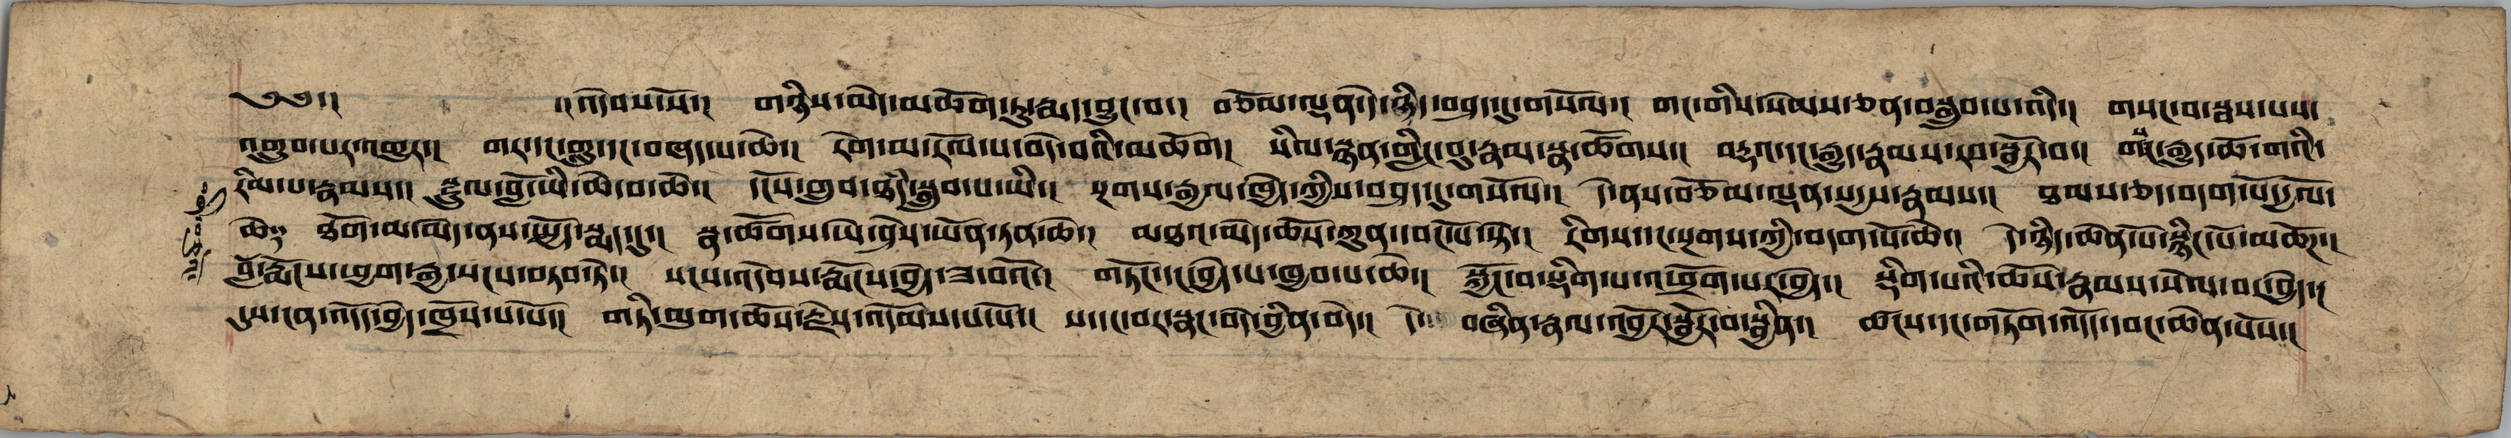༄༅་། ་།འདེབས་སོ་། གཉིས་མེད་མཆོག་ཏུ་རྨད་བྱུང་བ་། བཅོམ་ལྡན་དེ་ཉིད་བཤད་དུ་གསོལ་། གང་གིས་སེམས་ཅན་བསྒྲུབ་པ་འདི་། གསང་བ་སྦས་པས་
འགྲུབ་པར་འགྱུར་། གར་དང་གླུ་དང་བཞད་པ་ཆེ་། རེག་མ་རོལ་པ་བདེ་བའི་མཆོག། སིལ་སྙན་གླིང་བུ་རྣམ་སྣ་ཚོགས་། བརྡའ་དང་རྒྱུད་རྣམས་རབ་སྦྱོར་བ་། གང་རྒྱུད་ཆོ་གའི་
རིམ་པ་རྣམས་། སྫྲུལ་བློ་ཡི་ཆེ་བ་ཆེ་། དངོས་གྲུབ་ཐཾད་སྒྲུབ་པ་ཡི་། སྔགས་རྒྱལ་ཁྱེད་ཀྱིས་བཤད་དུ་གསོལ་། དེ་ནས་བཅོམ་ལྡན་སདྱས་རྣམས་། ཐམས་ཅད་བདག་པོ་དྱལོ་
ཆེ༑ ཐོག་མ་མེད་ནས་སྤྱོད་སྨད་དུ་། སྣ་ཚོགས་ཡེ་ཤེས་ཡོན་ཏན་ཆེ་། མཐའ་མེད་ཆོས་ཀུན་དབང་པོ་སྟེ་། རིགས་དང་སྔགས་ཀྱི་བདག་པོ་ཆེ་། དེ་ཉིད་ཆེན་པོ་སྙིང་པོ་མཆོཌ་།
བློ་རྨོངས་ཕྱག་རྒྱ་སངས་བཏབ་ཏེ་། སངས་འདེབས་རྨོངས་བྱེད་ཟ་བའོ་། གཏོང་དང་བྱེད་པ་ཁྱབ་པ་ཆེ་། སྐྱོང་བ་སྡིག་པ་འཕྲོག་པར་བྱེད་། སྡིག་པའི་ཆོས་རྣམས་སེལ་བར་བྱེད་།
དུས་ངན་འདོད་བྱེད་ཁྲོས་པ་པོ་། གཏི་མུག་ཆོས་རྗེས་འདོམས་པ་པོ་། ས་དང་བར་སྣང་བདེ་བྱིན་བདེ་། དེ་ བཞིན་རྣལ་འབྱོར་སྦྱོར་བ་སྦྱིན་། ཚངས་དང་གཏོག་འདོད་དབང་ཆེན་པོས་།